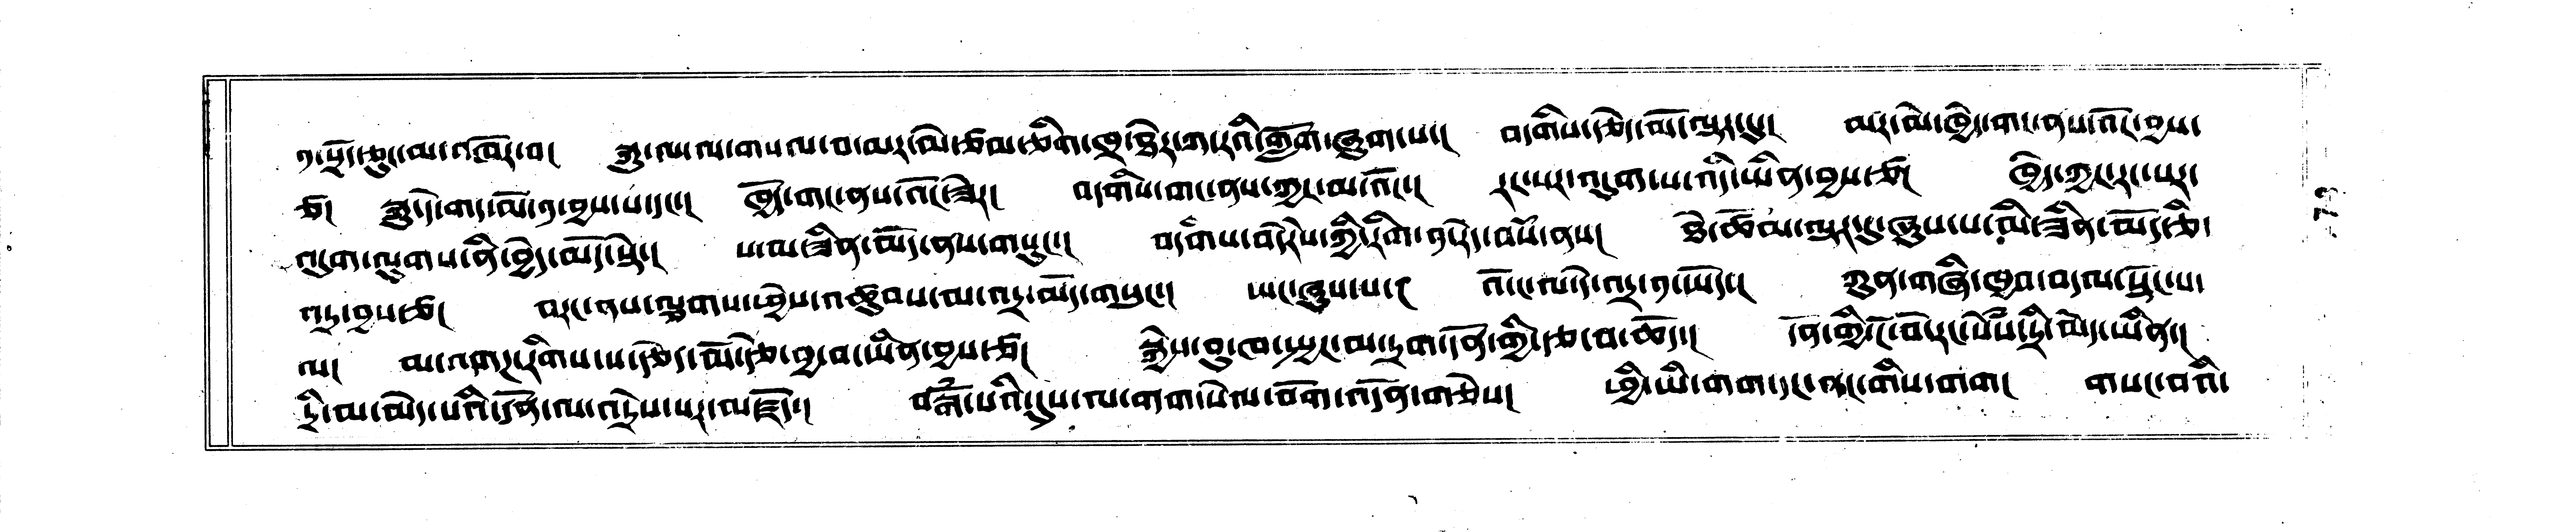གཅིག་སྲོད་ཅུང་མ་འཁོར་བ། སྐུ་ལ་ལ་གསལ་བ་མར་མེ་ཙམ་ཅིག་ཁྲ་ཐེར་ཀ་རའི་གློག་ཞུག་པ། བདག་གིས་རྩེད་མོ་ལྟར་དུ། མར་མེ་ཁྱེད་གང་ནས་འོང་བྱས་
ཙ། སྐུ་དེ་གད་མོ་གཅིག་བྱས་པ་དང་། ཁྱོད་གང་ནས་འོང་ཟེར། བདག་གིས་གང་ནས་ཀྱང་མ་འོང་། རང་སར་འདུག་པ་འདི་ཡིན་བྱས་ཙ། ཁྱེད་ཀྱང་རང་སར་
འདུག་ལུགས་ནི་བྱེད་མདོ་སྟེ། ས་མ་ཟིན་མོད་ནས་གསུང་། བདག་གིས་བདེར་གཤེགས་ཀྱི་རིག་ན་རེད་བསམ་ནས། ཐེ་ཚོམ་ལྟར་དུ་ཞུས་པ་མི་ཟིན་མོད་ཅི་
འདྲ་བྱས་ཙ། བར་སྣང་ནས་ལྕགས་ཕྱེས་འཚུབས་མ་འདྲ་མདོ་གསུང་། ཡང་ཞུས་པ། འོ་ང་ལ་དེ་འདྲ་གཅིག་ཡོད། ཀུན་གཞི་ཁྱབ་བདལ་སྟོང་པ་
ལ། མ་འགགས་རིག་པ་རྩེད་མོ་རྩེ་བྱ་བ་ཡིན་བྱས་ཙ། སྐྱེས་བུ་ཁ་སྤྱང་མ་དྲག་དོན་གྱི་རྩ་བ་ཆོད། དོན་གྱི་ངོ་བོ་རང་སེམས་དྲི་མེད་ཡིན། 
དྲི་མ་མེད་པའི་དོན་ལ་འདྲེས་པར་མཛོད། བསྒོམ་པའི་དུས་ལ་གག་སེལ་བོགས་འདོན་གཅེས། ཕྱི་ཡི་གག་དང་ནང་གི་གག གསང་བའི་